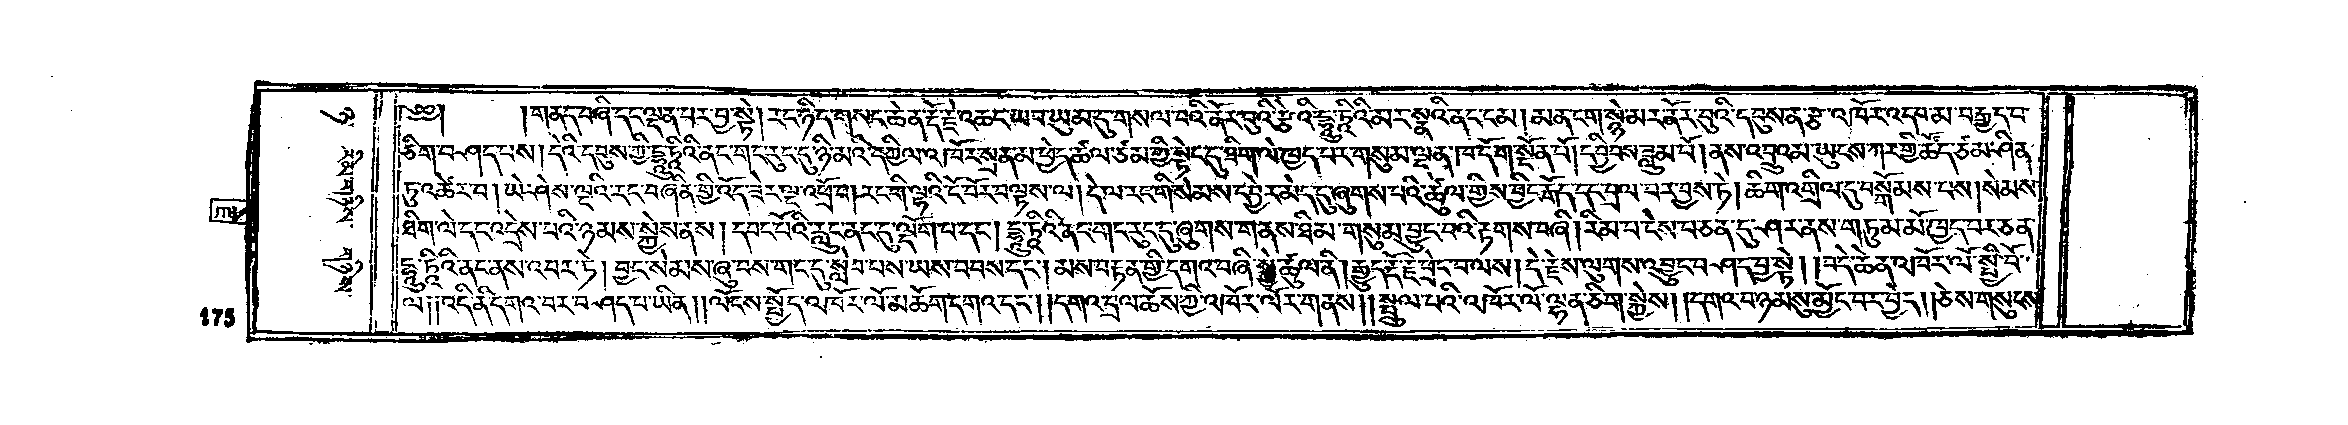༄༅། །གནད་བཞི་དང་ལྡན་པར་བྱ་སྟེ། རང་ཉིད་གསང་ཆེན་རྡོ་རྗེ་འཆང་ཡབ་ཡུམ་དུ་གསལ་བའི་ནོར་བུའི་རྩེའི་དྷཱུ་ཏཱིའི་མར་སྣའི་ནང་ངམ། མན་ངག་སྙེ་མར་ནོར་བུའི་དབུས་ན་རྩ་འཁོར་འདབ་མ་བརྒྱད་པ་
ཅིག་བཤད་པས། དེའི་དབུས་ཀྱི་དྷཱུ་ཏཱིའི་ནང་གང་རུང་དུ་ཉི་མའི་དཀྱིལ་འཁོར་སྲན་མ་ཕྱེད་ཚལ་ཙམ་གྱི་སྟེང་དུ་ཐིག་ལེ་ཁྱད་པར་གསུམ་ལྡན་ཁ་དོག་སྔོན་པོ། དབྱིབས་ཟླུམ་པོ། ནས་འབྲུའམ་ཡུངས་ཀར་གྱི་ཚོད་ཙམ་ཤིན་
ཏུ་འཚེར་བ། ཡེ་ཤེས་ལྔའི་རང་བཞིན་གྱི་འོད་ཟེར་ལྔ་འཕྲོ་བ། རང་གི་ལྷའི་ངོ་བོར་བལྟས་ལ། དེ་ལ་རང་གི་སེམས་དབྱེར་མེད་དུ་ཞུགས་པའི་ཚུལ་གྱིས་བྱིང་རྒོད་དང་བྲལ་བར་བྱས་ཏེ། ཚིག་འགྲིལ་དུ་བསྒོམས་པས། སེམས་
ཐིག་ལེ་དང་འདྲེས་པའི་ཉམས་སྐྱེས་ནས། དབང་པོའི་རླུང་ནང་དུ་ལྡོག་པ་དང་། དྷཱུ་ཏཱིའི་ནང་གང་རུང་དུ་ཞུགས་གནས་ཐིམ་གསུམ་བྱུང་བའི་རྟགས་བཞི། རིམ་པ་ངེས་པ་ཅན་དུ་ཤར་ནས་གཏུམ་མོ་ཁྱད་པར་ཅན་
དྷཱུ་ཏཱིའི་ནང་ནས་འབར་ཏེ། བྱང་སེམས་ཞུ་བས་གང་དུ་སླེབ་པས་ཡས་བབས་དང་། མས་བརྟན་གྱི་དགའ་བཞི་སྐྱེ་ཚུལ་ནི། རྒྱུད་རྡོ་རྗེ་ཕྲེང་བ་ལས། དེ་རྗེས་ལུགས་འབྱུང་བཤད་བྱ་སྟེ། །བདེ་ཆེན་འཁོར་ལོ་སྤྱི་བོ་
ལ། །འདི་ནི་དགའ་བར་བཤད་པ་ཡིན། །ལོངས་སྤྱོད་འཁོར་ལོ་མཆོག་དགའ་དང་། །དགའ་བྲལ་ཆོས་ཀྱི་འཁོར་ལོར་གནས། །སྦྲུལ་པའི་འཁོར་ལོ་ལྷན་ཅིག་སྐྱེས། །དགའ་བ་ཉམས་སུ་མྱོང་བར་བྱེད། །ཅེས་གསུངས་